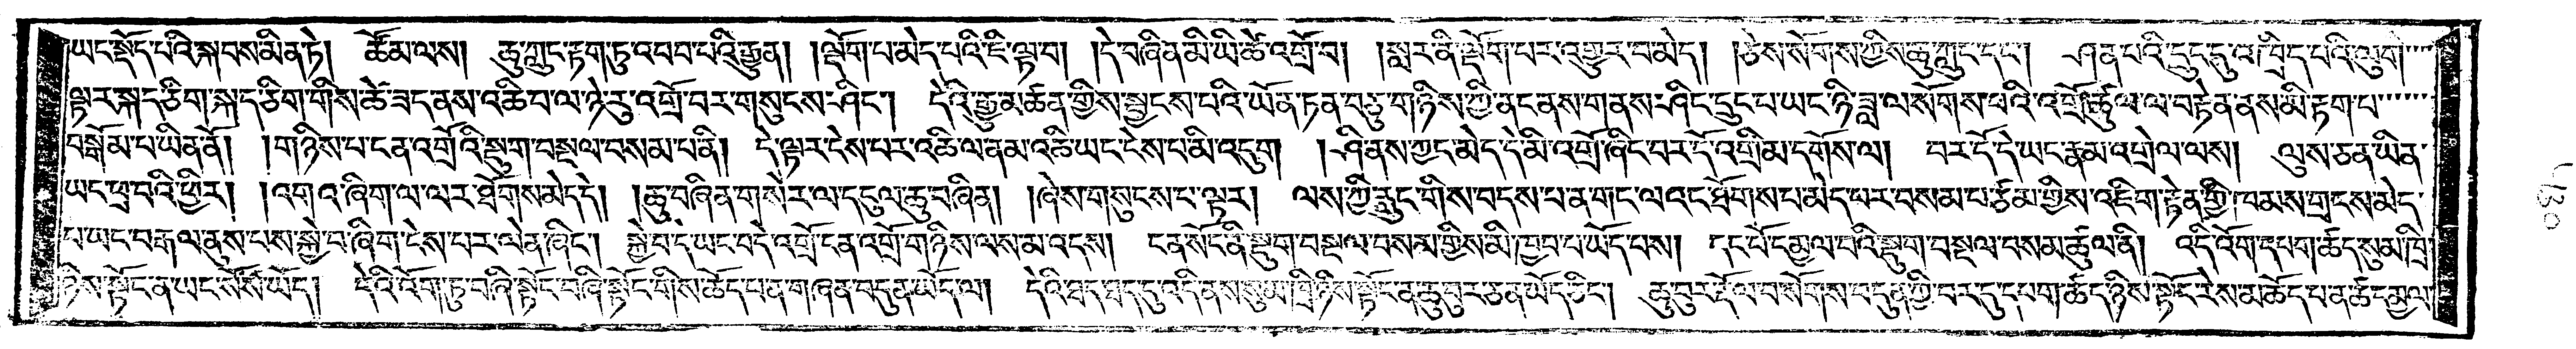ཡང་སྡོད་པའི་སྐབས་མིན་ཏེ། ཚོམ་ལས། ཆུ་ཀླུང་རྟག་ཏུ་འབབ་པའི་རྒྱུན། །ལྡོག་པ་མེད་པའི་ཇི་ལྟ་བ། །དེ་བཞིན་མི་ཡི་ཚེ་འགྲོ་བ། །སླར་ནི་ལྡོག་པར་འགྱུར་བ་མེད། །ཅེས་སོགས་ཀྱིས་ཆུ་ཀླུང་དང་། ཤན་པའི་དྲུང་དུ་འཁྲིད་པའི་ལུག་
ལྟར་སྐད་ཅིག་སྐད་ཅིག་གིས་ཆོ་ཟད་ནས་འཆི་བ་ལ་ཉེ་རུ་འགྲོ་བར་གསུངས་ཤིང་། དེའི་རྒྱུ་མཚན་གྱིས་སྦྱངས་པའི་ཡོན་ཏན་བཅུ་གཉིས་ཀྱི་ནང་ནས་གནས་ཤིང་དྲུང་པ་ཡང་ཉི་ཟླ་ལ་སོགས་པའི་འགྲོ་ཚུལ་ལ་བརྟེན་ནས་མི་རྟག་པ་
བསྒོམ་པ་ཡིན་ནོ། །གཉིས་པ་ངན་འགྲོའི་སྡུག་བསྔལ་བསམ་པ་ནི། དེ་ལྟར་ངེས་པར་འཆི་ལ་ནམ་འཆི་ཡང་ངེས་པ་མི་འདུག །ཤི་ནས་ཀྱང་མེད་དེ་མི་འགྲོ་ཞིང་བར་དོ་འགྲིམ་དགོས་ལ། བར་དོ་དེ་ཡང་རྣམ་འགྲེལ་ལས། ལུས་ཅན་ཡིན་
ཡང་ཕྲ་བའི་ཕྱིར། །འགའ་ཞིག་ལ་ལར་ཐོགས་མེད་དེ། །ཆུ་བཞིན་གསེར་ལ་དངུལ་ཆུ་བཞིན། །ཞེས་གསུངས་པ་ལྟར། ལས་ཀྱི་རླུང་གིས་བདས་པ་ན་གང་ལའང་ཐོགས་པ་མེད་པར་བསམ་པ་ཙམ་གྱིས་འཇིག་རྟེན་གྱི་ཁམས་གྲངས་མེད་
པ་ཡང་བརྒལ་ནུས་པས་སྐྱེ་བ་ཞིག་ངེས་པར་ལེན་ཞིང་། སྐྱེ་བ་དེ་ཡང་བདེ་འགྲོ་ངན་འགྲོ་གཉིས་ལས་མ་འདས། ངན་སོང་ནི་སྡུག་བསྔལ་བསམ་གྱིས་མི་ཁྱབ་པ་ཡོད་པས། དང་པོ་དམྱལ་བའི་སྡུག་བསྔལ་བསམ་ཚུལ་ནི། འདི་འོག་དཔག་ཚད་སུམ་ཁྲི་
ཉིས་སྟོང་ན་ཡང་སོས་ཡོད། དེའི་འོག་ཏུ་བཞི་སྟོང་བཞི་སྟོང་གིས་ཆོད་པ་ན་གཞན་བདུན་ཡོད་ལ། དེའི་ཐད་ཐད་དུ་འདི་ནས་སུམ་ཁྲི་ཉིས་སྟོང་ན་ཆུ་བུར་ཅན་ཡོད་ཅིང་། ཆུ་བུར་རྡོལ་བ་སོགས་བདུན་གྱི་བར་དུ་དཔག་ཚད་ཉིས་སྟོང་རེས་མཆོད་པ་ན་ཚ་དམྱལ་